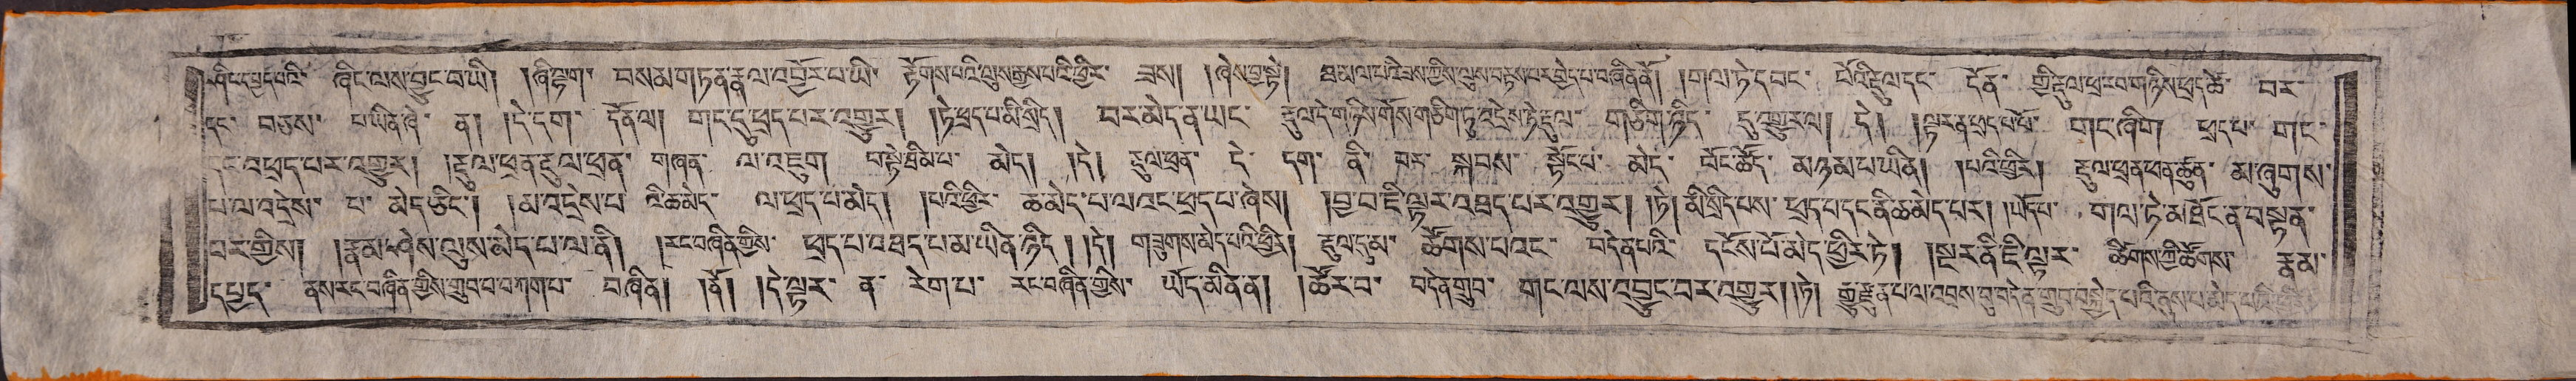ཤིང་དཔྱད་པའི་ཞིང་ལས་བྱུང་བ་ཡི། །ཞི་ལྷག་བསམ་གཏན་རྣལ་འབྱོར་བ་ཡི་རྟོགས་པའི་ལུས་རྒྱས་པའི་ཕྱིར་ཟས། །ཞེས་བྱ་སྟེ། ཐལ?་པའི་ཟས་ཀྱིས་ལུས་བརྟས་པར་བྱེད་པ་བཞིན་ནོ། །གལ་ཏེ་དབང་པོའི་རྡུལ་དང་དོན་གྱི་རྡུལ་ཕྲ་རབ་གཉིས་ཕྲད་ཚེ་བར་
དང་བཅས་པ་ཡིན་ཞེ་ན། །དེ་དག་དོན་ལ། གང་དུ་ཕྲད་པར་འགྱུར། །ཏེ་ཕྲད་པ་མི་སྲིད།  བར་མེད་ན་ཡང་རྡུལ་དེ་གཉིས་གོས་གཅིག་ཏུ་འདྲེས་ཏེ་བུལ་གཅིག་ཉིད་དུ་འགྱུར་ལ།  དེ། ལྟར་ན་ཕྲད་པ་པོ་གང་ཞིག་ཕྲད་པ་གང་
དང་འཕྲད་པར་འགྱུར། །རྡུལ་ཕྲན་རྡུལ་ཕྲན་གཞན་ལ་འཇུག་བ་སྟེ་ཐིམ་པ་མེད། །དེ། རྡུལ་ཕྲན་དེ་དག་ནི་བར་སྐབས་སྟོང་བ་མེད་བོང་ཚོད་མཉམ་པ་ཡིན། །པའི་ཕྱིར། རྡུལ་ཕྲན་ཕན་ཚུན་མ་ཞུགས་
པ་ལ་འདྲེས་པ་མེད་ཅིང་། །མ་འདྲེས་པའི་ཆ་མེད་ལ་ཕྲད་པ་མེད། །པའི་ཕྱིར་ཆ་མེད་པ་ལའང་ཕྲད་པ་ཞེས། །བྱ་བ་ཇི་ལྟར་འཐད་པར་འགྱུར། །ཏེ། མི་སྲིད་པས་ཕྲད་པ་དང་ནི་ཆ་མེད་པར། །ཡོད་པ་གལ་ཏེ་མཐོང་ན་བསྟན་
བར་གྱིས། །རྣམ་ཤེས་ལུས་མེད་པ་ལ་ནི། །རང་བཞིན་གྱིས་ཕྲད་པ་འཐད་པ་མ་ཡིན་ཉིད། །དེ། གཟུགས་མེད་པའི་ཕྱིར། རྡུལ་དུ་མ་ཚོགས་པའང་བདེན་པའི་དངོས་པོ་མེད་ཕྱིར་ཏེ། །སྔར་ནི་ཇི་ལྟར་ཚིགས་ཀྱི་ཚོགས་རྣམ་
དཔྱད་ནས་རང་བཞིན་གྱིས་གྲུབ་པ་བཀག་པ་བཞིན། །ནོ། །དེ་ལྟར་ན་རེག་པ་རང་བཞིན་གྱིས་ཡོད་མིན་ན། །ཚོར་བ་བདེན་གྲུབ་གང་ལས་འབྱུང་བར་འགྱུར། །ཏེ། རྒྱུ་རྫུན་པ་ལ་འབྲས་བུ་བདེན་གྲུང་བསྐྱེད་པའི་ནུས་པ་མེད་པའི་ཕྱིར་